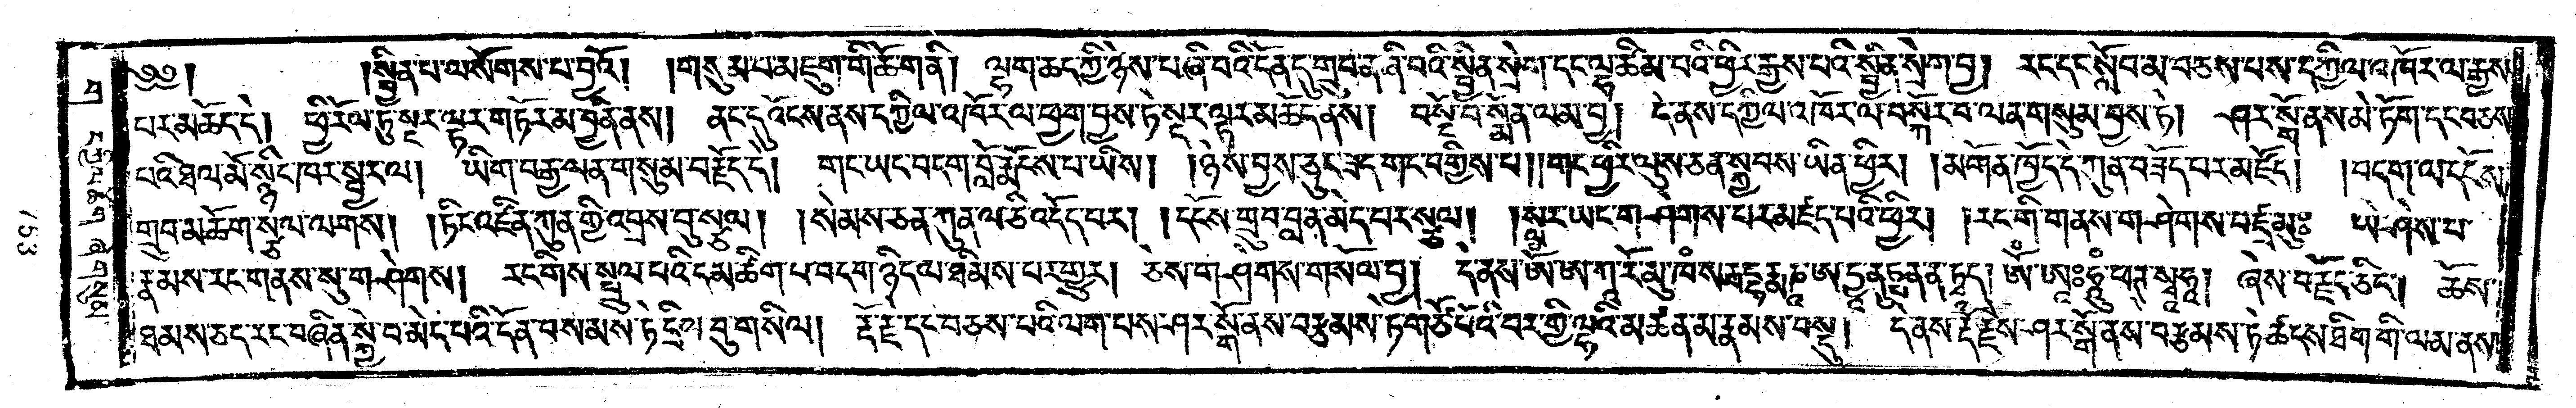༄༅། །སྦྱིན་པ་ལ་སོགས་པ་བྱའོ། །གསུམ་པ་མཇུག་གི་ཆོ་ག་ནི། ལྷག་ཆད་ཀྱི་ཉེས་པ་བཞི་པའི་དོན་དུ་གྲུབ་ན་ཞི་བའི་སྦྱིན་སྲེག་དང་ལྷ་ཚིམ་པའི་ཕྱིར་རྒྱས་པའི་སྦྱིན་སྲེག་བྱ། རང་དང་སློབ་མ་བཅས་པས་དཀྱིལ་འཁོར་ལ་རྒྱས་
པར་མཆོད་དེ། ཕྱི་རོལ་ཏུ་སྔར་ལྟར་གཏོར་མ་བྱིན་ནས། ནང་དུ་འོངས་ནས་དཀྱིལ་འཁོར་ལ་ཕྱག་བྱས་ཏེ་སྔར་ལྟར་མཆོད་ནས། བསྔོ་བ་སྨོན་ལམ་བྱ། དེ་ནས་དཀྱིལ་འཁོར་ལ་བསྐོར་བ་ལན་གསུམ་བྱས་ཏེ། ཤར་སྒོ་ནས་མེ་ཏོག་དང་བཅས་
པའི་ཐལ་མོ་སྙིང་ཁར་སྦྱར་ལ། ཡིག་བརྒྱ་ལན་གསུམ་བརྗོད་དེ། གང་ཡང་བདག་བློ་རྨོངས་པ་ཡིས། །ཉེས་བྱས་ཅུང་ཟད་གང་བགྱིས་པ། །གང་ཕྱིར་ལུས་ཅན་སྐྱབས་ཡིན་ཕྱིར། །མགོན་ཁྱོད་དེ་ཀུན་བཟོད་པར་མཛོད། །བདག་ལ་དངོས་
གྲུབ་མཆོག་སྩལ་ལགས། །ཏིང་འཛིན་ཀུན་གྱི་འབྲས་བུ་སྩལ། །སེམས་ཅན་ཀུན་ལ་ཅི་འདོད་པར། །དངོས་གྲུབ་བླ་ན་མེད་པར་སྩལ། །སླར་ཡང་གཤེགས་པར་མཛད་པའི་ཕྱིར། །རང་གི་གནས་གཤེགས་བཛྲ་མུཿ ཡེ་ཤེས་པ་
རྣམས་རང་གནས་སུ་གཤེགས། རང་གིས་སྤྲུལ་པའི་དམ་ཚིག་པ་བདག་ཉིད་ལ་ཐིམས་པར་གྱུར། ཅེས་གཤེགས་གསོལ་བྱ། དེ་ནས་ཨོཾ་ཨ་ཀཱ་རོ་མུ་ཁཾ་སརྦ་དྷརྨ་ཎཱ་ཨ་དྱཱ་ནུཏྤན་ན་ཏྭཱད། ཨོཾ་ཨཱཿཧཱུཾ་ཕཊ་སྭཱཧཱ། ཞེས་བརྗོད་ཅིང་། ཆོས་
ཐམས་ཅད་རང་བཞིན་སྐྱེ་བ་མེད་པའི་དོན་བསམས་ཏེ་དྲིལ་བུ་གསིལ། རྡོ་རྗེ་དང་བཅས་པའི་ལག་པས་ཤར་སྒོ་ནས་བརྩམས་ཏེ་གཙོ་བོའི་བར་གྱི་ལྷའི་མཚན་མ་རྣམས་བསྡུ། དེ་ནས་རྡོ་རྗེས་ཤར་སྒོ་ནས་བརྩམས་ཏེ་ཚངས་ཐིག་གི་ལམ་ནས་